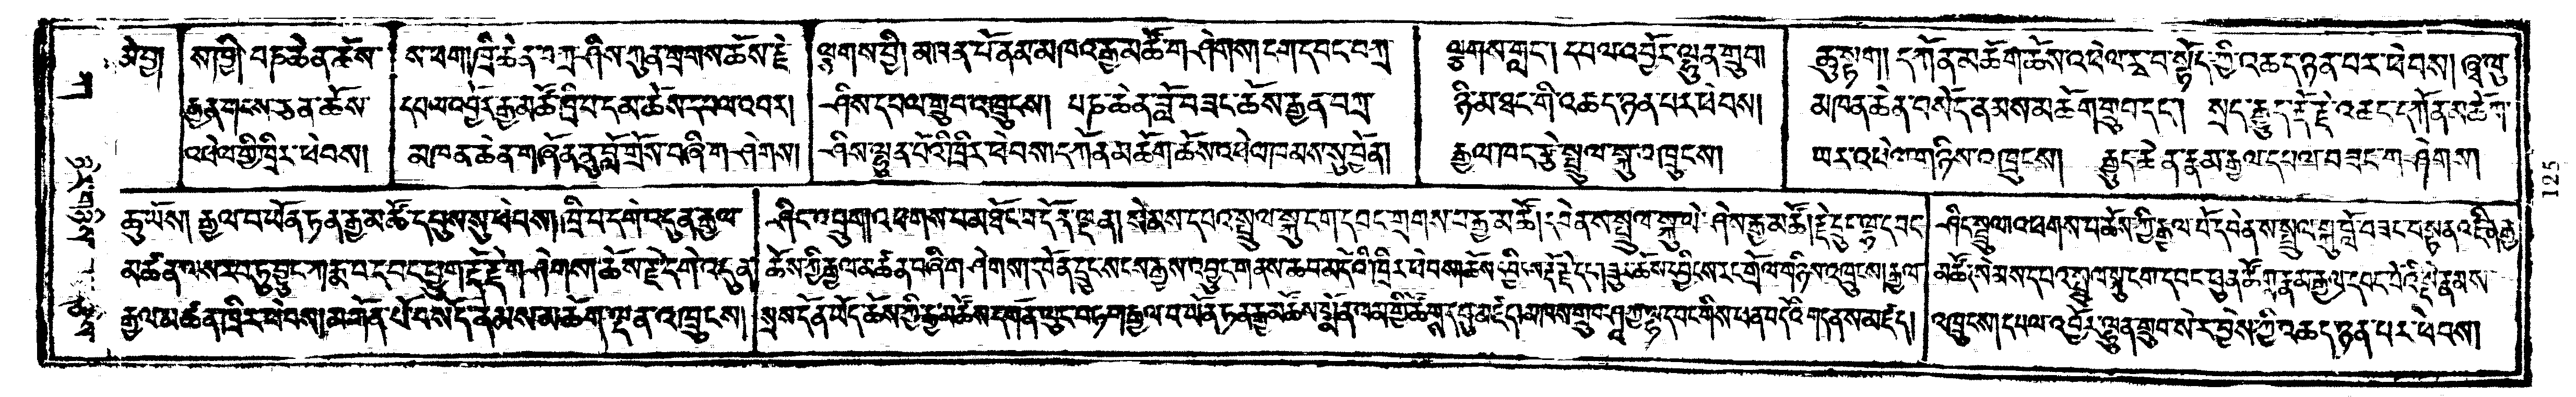མེ་བྱ། ས་ཁྱི། པཎ་ཆེན་ཆོས་ས་ཕག །ཁྲི་ཆེན་བཀྲ་ཤིས་ཀུན་གྲགས་ཆོས་རྗེ་ལྷགས་བྱི། མཁན་པོ་ནམ་མཁའ་རྒྱ་མཚོ་གཤེགས། ངག་དབང་བཀྲ་ལྕགས་གླང་། དཔལ་འབྱོར་ལྷུན་གྲུབ། ཆུས་སྟག། དཀོན་མཆོག་ཆོས་འཕེལ་རྭ་བ་སྟོད་ཀྱི་འཆད་ཉན་པར་ཕེབས། ཞྭ་ལུ་
རྒྱན་གངས་ཅན་ཆོས་དཔལ་འབྱོར་རྒྱ་མཚོ་ཁྲི་པ་དམ་ཆོས་དཔལ་འབར། ཤིས་དཔལ་གྲུ་འཁྲུངས། པཎ་ཆེན་བློ་བང་ཆོས་རྒྱན་བཀྲ་ཉི་མ་ཐང་གི་འཆད་ཉན་པར་ཕེབས། མཁན་ཆེན་བསོད་ནམས་མཆོག་གྲུབ་དང་། སྲད་རྒྱུད་རྡོ་རྗེ་འཆང་དཀོན་མཆོག་
འཕེལ་གྱི་ཁྲིར་ཕེབས། མཁན་ཆེན་གཞོན་ནུ་བློ་གྲོས་བཞི་གཤེགས། ཤིས་ལྷུན་པོའི་ཁྲིར་ཕེབས། དཀོན་མཆོག་ཆོས་འཕེལ་ཁམས་སུ་བྱོན། རྒྱལ་ཁང་རྩེ་སྤྲུལ་སྐུ་འཁྲུངས། ཡར་འཕེལ་གཉིས་འཁྲུངས། རྒྱུད་ཆེན་རྣམས་རྒྱལ་དཔལ་བཟང་གཤེགས།
ཆུ་ཡོས། རྒྱལ་བ་ཡོན་ཏན་རྒྱ་མཚོ་དབུས་སུ་ཕེབས། ཁྲི་པ་དགེ་འདུན་རྒྱལ་ཤིང་འབྲུས། འཕགས་པ་མཐོང་བ་དོན་ལྡན། སེམས་དཔའ་སྤྲུལ་སྐུ་ངག་དབང་གྲགས་པ་རྒྱ་མཚོ། དབེན་ནས་སྤྲུལ་སྐུ་ཡེ་ཤེས་རྒྱ་མཚོ། རྗེ་དྲུང་ལྷ་དབང་། ཤིང་
མཚན་ལས་རབ་ཏུ་བྱུང་ཀརྨ་བ་དབང་ཕྱུག་རྡོ་རྗེ་གཤེགས། ཆོས་རྗེ་དགེ་འདུན། ཆོས་ཀྱི་རྒྱལ་མཚན་བཞི་གཤེགས་དབོན་དྲུང་སངས་རྒྱས་འབྱུང་གནས་ཆབ་མདོའི་ཁྲིར་ཕེབས། ཆོས་དབྱིངས་རྡོ་རྗེ་དང་། ཟུང་ཆོས་དབྱིངས་རང་གྲོལ་གཉིས་འཁྲུངས། རྒྱལ་མཚོ། སེམས་དཔའ་སྤྲུལ་སྐུ་ངག་དབང་ཕུན་ཚོགས་རྣམ་རྒྱལ་དབང་པོའི་སྡེ་རྣམས་
རྒྱལ་མཚན་ཁྲིར་ཕེབས། མགོན་པོ་བསོད་ནམས་མཆོག་ལྡན་འཁྲུངས། སྲས་དོན་ཡོད་ཆོས་ཀྱི་རྒྱ་མཚོག་དགོན་ལུང་བཏག་རྒྱལ་བ་ཡོན་ཏན་རྒྱ་མཚོས་སྨོན་ལམ་གྱི་ཚིགས་དབུ་མཛད། མཁས་གྲུབ་ཤཱཀྱ་ལྷ་དབང་གིས་ཕན་བདེའི་གདན་ས་མཛད། འཁྲུངས། དཔལ་འབྱོར་ལྷུན་གྲུབ་སེར་བྱེས་ཀྱི་འཆད་ཉན་པར་ཕེབས།